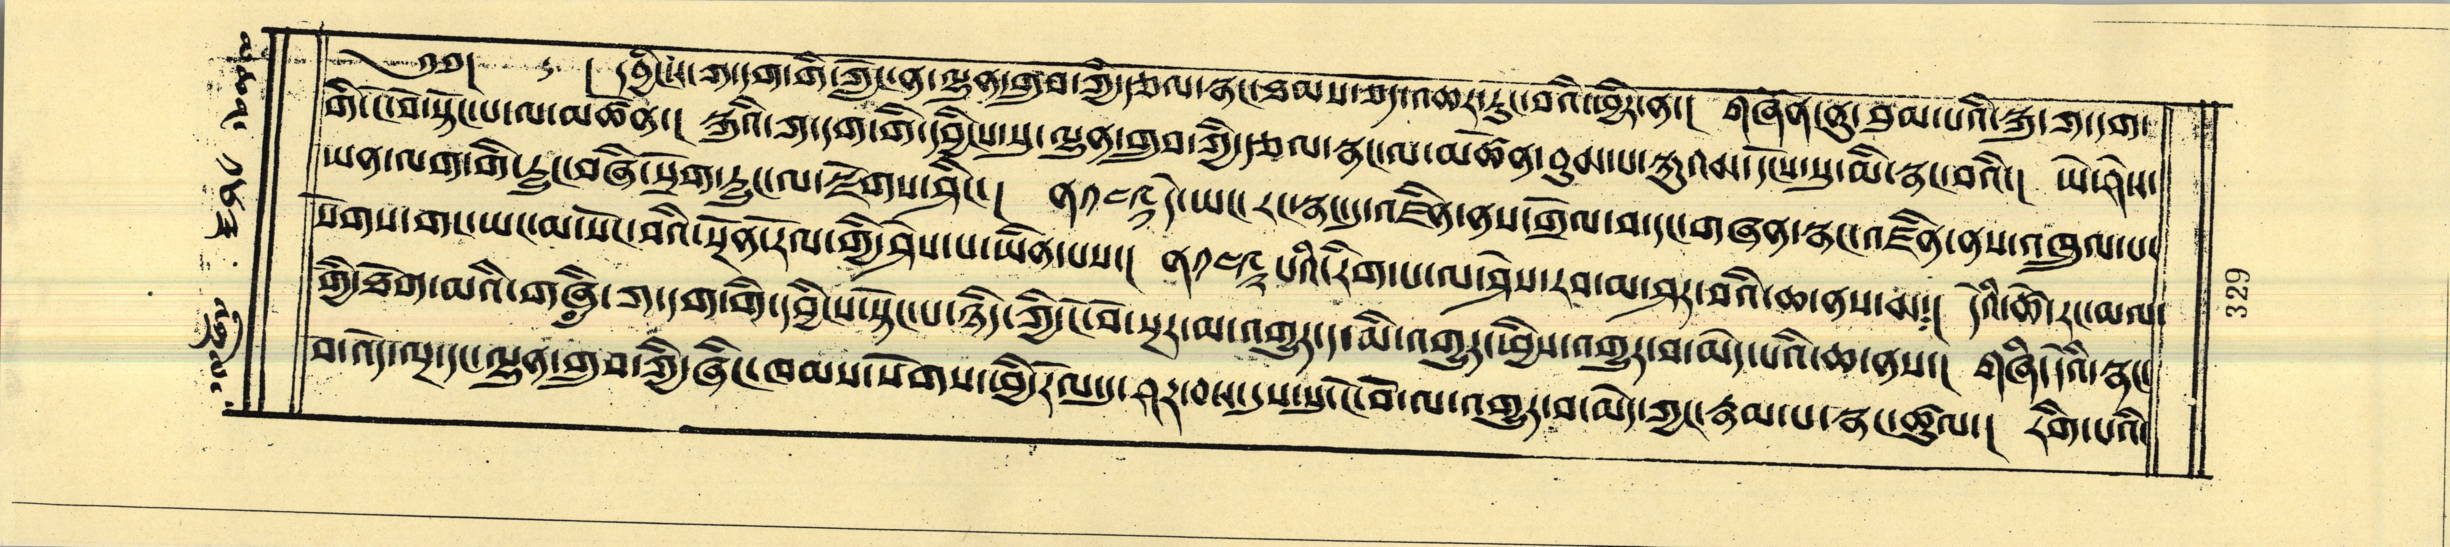༼དབྱིངས་༽ཀ་དག་གི་ཀློང་ན་ལྷུན་གྲུབ་ཀྱི་རྩལ་སྣང་ཐམས་ཅད་འཆར་རུང་བའི་ཕྱིར་ན། ༼གཞོན་ནུ་༽བུམ་པའི་སྐུ་ཀ་དག་
གི་ངོ་བོ་སྟོང་པ་ལ་མཚོན། སྐུའི་ཀ་དག་གི་དབྱིངས་སུ་ལྷུན་གྲུབ་ཀྱི་རྩལ་སྣང་ལ་མཚོན་ ༼བུམ་པ་སྐུ་འམ་༽དངོས་སུ་མི་སྣང་བའི། ༼ཡེ་ཤེས་༽
ཡན་ལག་གི་རླུང་བཞི་སྲོག་རླུང་ལ་སྫོགས་ཤིང། ན༡༤༩།༡ ༼དེ་ཡང་༽རང་སྣང་དུ་འཛིན་ནས་གྲོལ་བ་དང་གཞན་སྣང་འཛིན་ནས་འཁྲུལ་པ་
སོགས་གང་ཡང་མ་སོང་བའི་སྔོན་རོལ་གྱི་ཤེས་པ་ཡིན་པས། ན༡༤༩།༢ ༼པའི་༽རིག་པ་ལ་ཤེས་རབ་མ་ཤར་བའི་ཆ་ནས་ ༼མ།༽ ༼དེའི་ཚེ་༽རང་མལ་
གྱི་ཐོག་མའི་གཞི་ཀ་དག་གི་དབྱིངས་སྟོང་པ་ཉིད་ཀྱི་ངོ་བོ་སྔར་མ་འགྱུར་ད་མི་འགྱུར་ཕྱིས་འགྱུར་བ་མེད་པའི་ཆ་ནས། ༼གཞི་༽དེའི་སྣང་
བ་འོད་ལྔ་དང་ལྷུན་གྲུབ་ཀྱི་ཞིང་ཁམས་སོགས་ཕྱི་རོལ་དུ་ ༼ཤར་བས་༽དུས་སུ་ངོ་བོ་འགྱུར་བ་མེད་ཀྱང་རྣམ་པ་སྣང་ཚུལ། རིག་པའི་